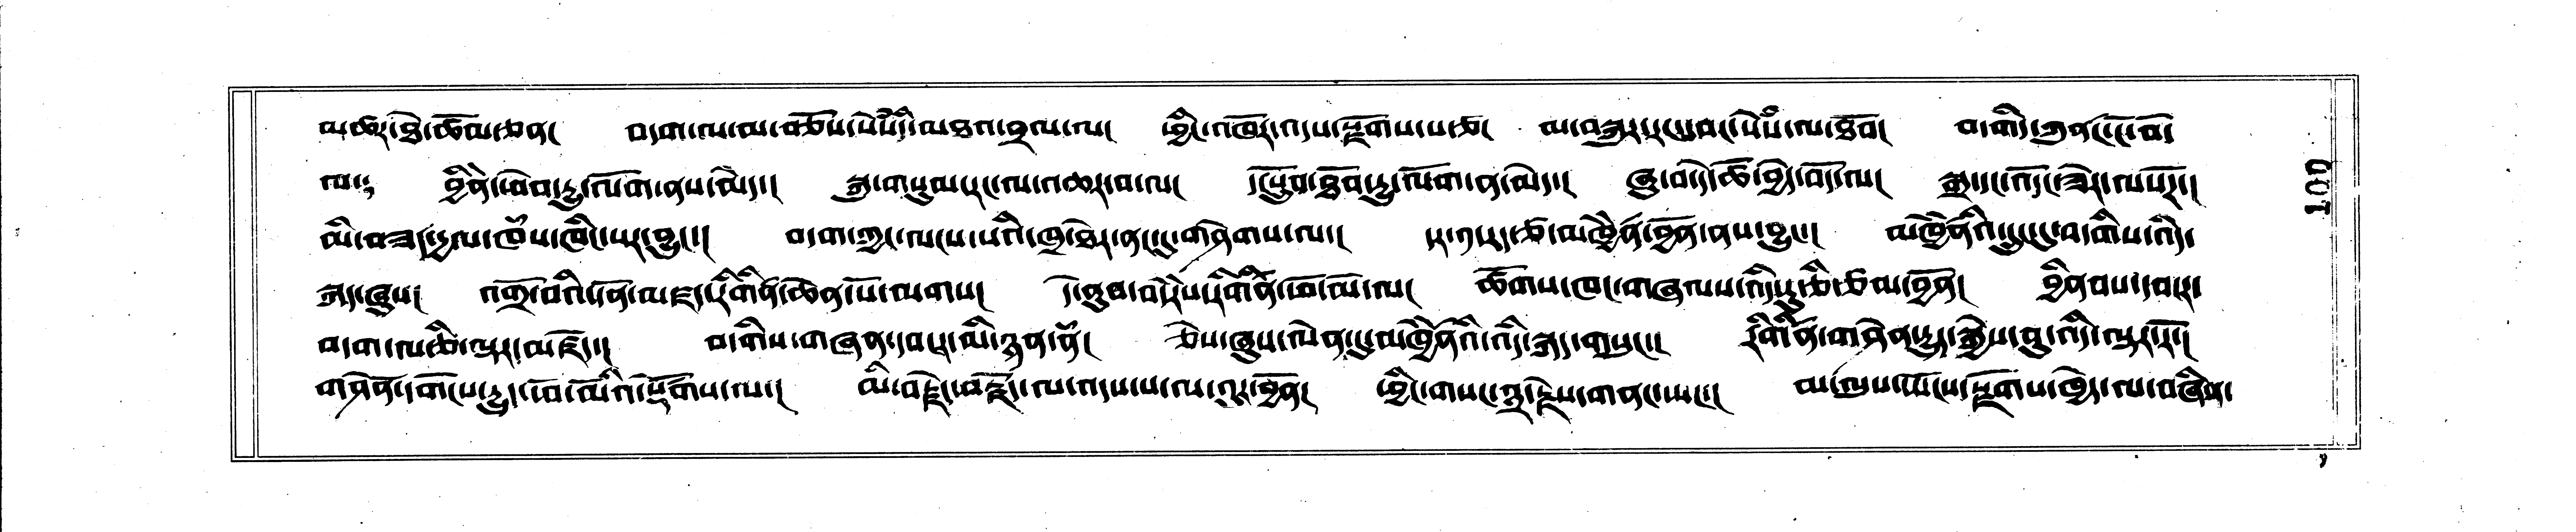མཚར་ཐེ་ཚོམ་ཅན། བདག་ལ་མ་བཅོས་སེམས་ཉིད་མཐའ་བྲལ་ལ། ཕྱི་ནང་འཁོར་འདས་རྫོགས་པ་ཙ། མ་བསྐུར་རང་དབང་སེམས་ལ་ཐོབ། བདག་ཉིད་ཀུན་བཟང་ངོ་བོ་
ལ། བྱིན་ཆེན་ཕེབས་རྒྱུ་ལོགས་ནས་མེད། སྐུ་གསུམ་རང་ལ་འཆར་བ་ལ། དངོས་གྲུབ་ཐོབ་རྒྱུ་ལོག་ན་མེད། ཞུ་བ་དེ་ཚོ་བྱེད་བདོ་ལ། སྒྲ་དང་འོད་དང་ཟེར་ལ་སོགས།
མི་བཟད་རྒྱལ་ཁམས་ཁེངས་པར་བྱུང་། བདག་ཀྱང་ལངས་པའི་ཁྲ་ཐེར་ནང་དུ་གཤེགས་ལ། དར་གཅིག་རེད་ཙ་མཁྱེན་བརྩེ་བྱོན་ནས་བྱུང་། མཁྱེན་བརྩེའི་དྲུང་དུ་བདག་གིས་འདི་
སྐད་ཞུས། འགྲོ་བའི་དོན་མཛད་རིག་འཛིན་ཆེན་པོ་ལགས། དོ་ནུབ་བདེར་གཤེགས་རིག་འཛིན་ཕོ་མོ་ལ། ཚོགས་ཁང་གཞལ་ཡས་འདི་རུ་ཅི་ཙམ་བྱོན། བྱིན་བས་དབང་
བདག་ལ་ཅི་ལྟར་མཛོད། བདག་གིས་གཞན་དབང་བསྐུར་མི་ཉན་ནམ། ཅེས་ཞུས་ལེན་དུ་མཁྱེན་བརྩེས་འདི་སྐད་གསུངས། རིག་འཛིན་གཤེན་རྒྱུད་སྐྱེས་བུ་འདི་ལྟར་རོ། 
གཤེན་པོ་དགོངས་རྒྱུད་ཕོ་མོའི་སྡེ་ཚོགས་ལ། མི་བརྗེད་བརྗོད་ལ་འདས་པ་ལ་འུར་བྱོན། ཕྱི་ནང་གསང་གསུམ་རྗེས་གནང་ཡང་། མ་ལུས་ཡོངས་རྫོགས་ཁྱེད་ལ་བཞིན་